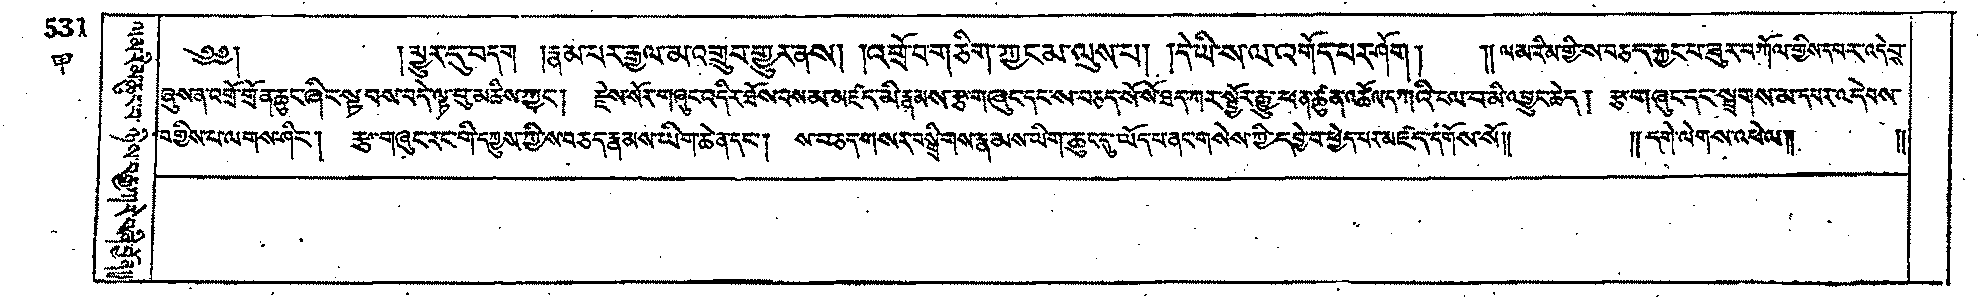༄༅། །མྱུར་དུ་བདག །རྣམ་པར་རྒྱལ་མ་འགྲུབ་གྱུར་ནས། །འགྲོ་བ་གཅིག་ཀྱང་མ་ལུས་པ། །དེ་ཡི་ས་ལ་འགོད་པར་ཤོག། །།ལམ་རིམ་གྱི་ས་བཅད་རྐྱང་པ་ཟུར་བཀོལ་གྱིས་དཔར་འདེབས་
ཞུས་ན་འགྲོ་གྲོན་ཆུང་ཞིང་སྟབས་བདེ་ལྟ་བུ་མཆིས་ཀྱང་། རྗེས་སོར་གཞུང་འདིར་ཐོས་བསམ་མཛད་མི་རྣམས་རྩ་གཞུང་དང་ས་བཅད་སོ་སོ་ཐད་ཀར་སྦྱོར་རྒྱུ་ཕན་ཚུན་འཚོལ་དཀའི་ངལ་བ་མི་འབྱུང་ཆེད། རྩ་གཞུང་དང་སྦྲགས་མ་དཔར་འདེབས་
བགྱིས་པ་ལགས་ཤིང་། རྩ་གཞུང་རང་གི་དཀྱུས་ཀྱི་ས་བཅད་རྣམས་ཡིག་ཆེན་དང་། ས་བཅད་གསར་བསྒྲིགས་རྣམས་ཡིག་ཆུང་དུ་ཡོད་པ་ནང་གསེས་ཀྱི་དབྱེ་བ་ཕྱེད་པར་མཛད་དགོས་སོ།། །།དགེ་ལེགས་འཕེལ།། །།